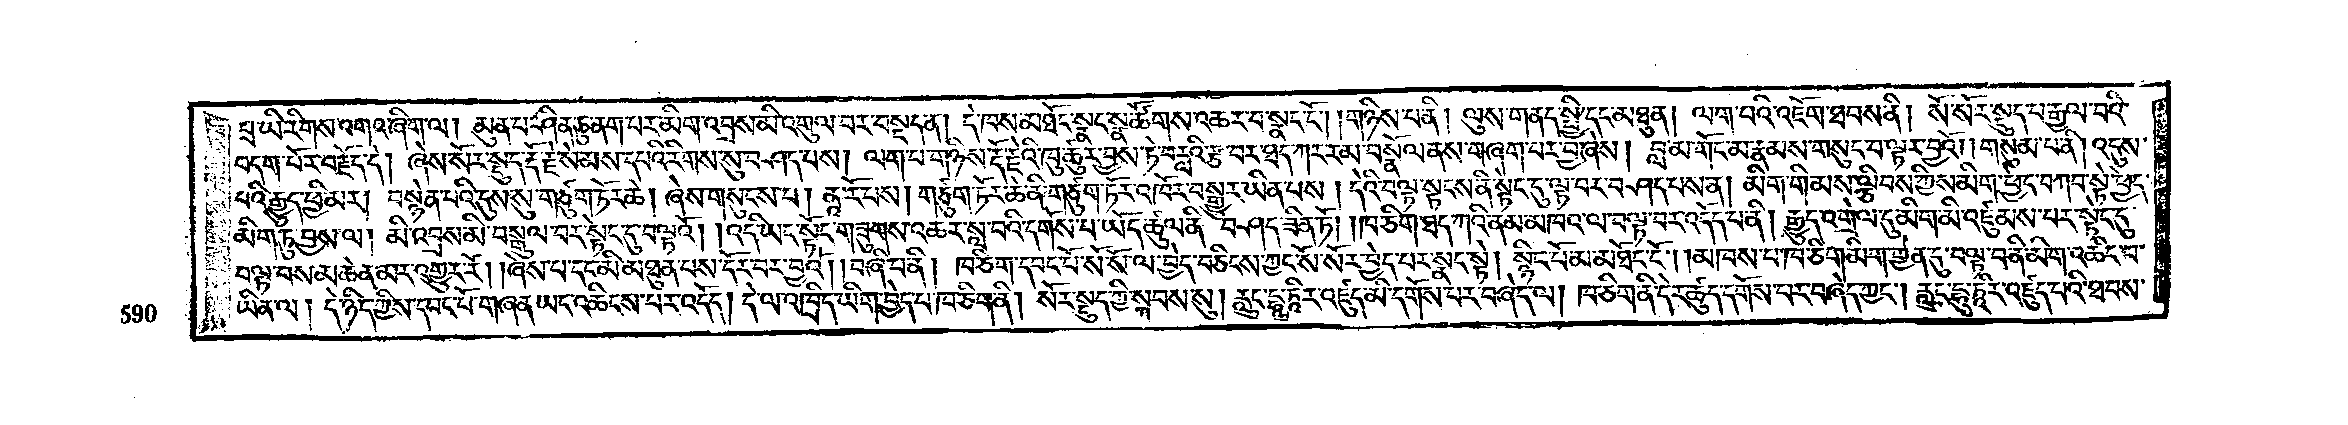པྲ་ཡི་རིགས་འགའ་ཞིག་ལ། མུན་པ་ཤིན་ཏུ་ནག་པར་མིག་འབྲས་མི་འགུལ་བར་བསྡད་ན། དེ་ཁས་མཐོང་སྣང་སྣ་ཚོགས་འཆར་བ་སྣང་ངོ། །གཉིས་པ་ནི། ལུས་གནད་སྤྱི་དང་མཐུན། ལག་པའི་འཇོག་ཐབས་ནི། སོ་སོར་སྡུད་པ་རྒྱལ་བའི་
བདག་པོར་བརྗོད་དེ། ཞེས་སོར་སྡུད་རྡོ་རྗེ་སེམས་དཔའི་རིགས་སུ་བཤད་པས། ལག་པ་གཉིས་རྡོ་རྗེའི་ཁུ་ཚུར་བྱས་ཏེ་བརླའི་རྩ་བར་ཐད་ཀར་རམ་བསྣོལ་ནས་གཞག་པར་བྱ་ཞེས། བླ་མ་གོང་མ་རྣམས་གསུང་བ་ལྟར་བྱའོ། །གསུམ་པ་ནི། འདུས་
པའི་རྒྱུད་ཕྱི་མར། བསྙེན་པའི་དུས་སུ་གཙུག་ཏོར་ཆེ། ཞེས་གསུངས་པ། ནཱ་རོ་པས། གཙུག་ཏོར་ཆེ་ནི་གཙུག་ཏོར་འཁོར་བསྒྱུར་ཡིན་པས། དེའི་བལྟ་སྟངས་ནི་སྟེང་དུ་ལྟ་བར་བཤད་པས་ན། མིག་གི་མས་ལྕིབས་ཀྱིས་མིག་ཕྱེད་བཀབ་སྟེ་ཕྱེད་
མིག་ཏུ་བྱས་ལ། མི་འབྲས་མི་བསྒུལ་བར་སྟེང་དུ་བལྟའོ། །འདི་ཡང་སྟོང་གཟུགས་འཆར་སླ་བའི་དགོས་པ་ཡོད་ཚུལ་ནི་བཤད་ཟིན་ཏོ། །ཁ་ཅིག་ཐད་ཀའི་ནམ་མཁའ་ལ་བལྟ་བར་འདོད་པ་ནི། རྒྱུད་འགྲེལ་དུ་མིག་མི་འཛུམས་པར་སྟེང་དུ་
བལྟ་བས་མཚན་མར་འགྱུར་རོ། །ཞེས་པ་དང་མི་མཐུན་པས་དོར་བར་བྱའོ། །བཞི་པ་ནི། ཁ་ཅིག་དབང་པོ་སོ་སོ་ལ་བྱེད་བཅིངས་ཀྱང་སོ་སོར་བྱེད་པར་སྣང་སྟེ། སྙིང་པོ་མ་མཐོང་ངོ། །མཁས་པ་ཁ་ཅིག་མིག་གྱེན་དུ་བལྟ་བ་ནི་མིག་འཆིང་བ་
ཡིན་ལ། དེ་ཉིད་ཀྱིས་དབང་པོ་གཞན་ཡང་འཆིངས་པར་འདོད། དེ་ལ་འཁྲིད་ཡིག་བྱེད་པ་ཁ་ཅིག་ནི། སོར་སྡུད་ཀྱི་སྐབས་སུ། རླུང་དྷཱུ་ཏཱིར་འཛུད་མི་དགོས་པར་བཞེད་ལ། ཁ་ཅིག་ནི་དེར་ཚུད་དགོས་པར་བཞེད་ཀྱང་། རླུང་དྷཱུ་ཏཱིར་འཛུད་པའི་ཐབས་